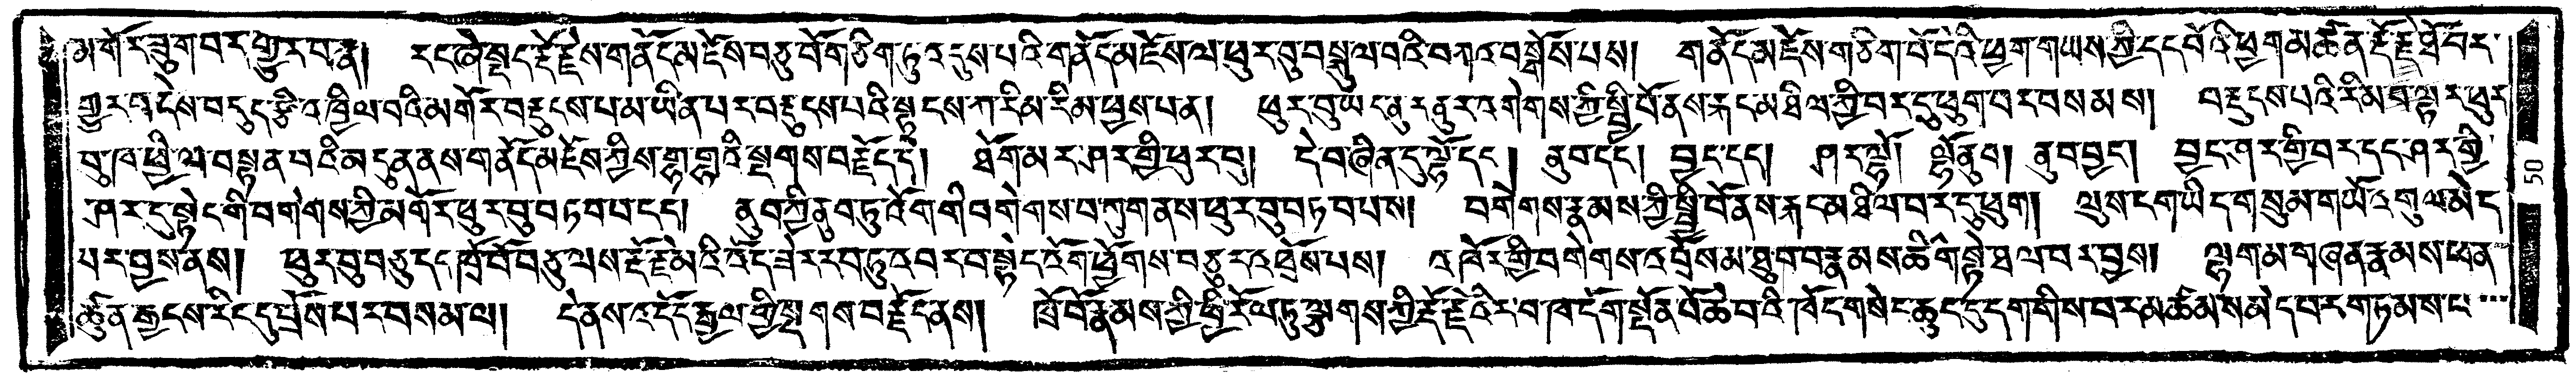མགོར་ཟུག་པར་གྱུར་བ་ན། རང་ཞེ་སྡང་རྡོ་རྗེས་གནོད་མཛེས་བཅུ་བོ་གཅིག་ཏུ་འདུས་པའི་གནོད་མཛེས་ལ་ཕུར་བུ་བསྐུལ་བའི་བཀའ་བསྒོས་པས། གནོད་མཛེས་གཅིག་པོ་དེའི་ཕྱག་གཡས་ཀྱི་དང་པོའི་ཕྱག་མཚན་རྡོ་རྗེ་ཐོ་བར་
གྱུར་བ་དེས་བདུད་རྩི་འཁྱིལ་བའི་མགོར་བརྡུངས་པ་མ་ཡིན་པར་བརྡུངས་པའི་སྟངས་ཀ་རིམ་རིམ་ཕྱས་པ་ན། ཕུར་བུ་ཡང་ནུ་ར་ནུར་འགེགས་ཀྱི་སྤྱི་བོ་ནས་རྐང་མཐིལ་ཀྱི་བར་དུ་ཕུག་བར་བསམས། བརྡུངས་པའི་རིམ་བ་ལྟར་ཕུར་
བུ་ཁ་ཕྱི་ལ་བསྟན་པའི་མདུན་ནས་གནོད་མཛེས་ཀྱིས་གྷ་གྷའི་སྔགས་བརྗོད་དེ། ཐོག་མར་ཤར་གྱི་ཕུར་བུ། དེ་བཞིན་དུ་ལྷོ་དང་། ནུབ་དང་། བྱང་དང་། ཤར་ལྷོ། ལྷོ་ནུབ། ནུབ་བྱང་། བྱང་ཤར་གྱི་བར་དང་ཤར་གྱི་
ཤར་དུ་སྟེང་གི་བགེགས་ཀྱི་མགོར་ཕུར་བུ་བཏབ་པ་དང་། ནུབ་ཀྱི་ནུབ་ཏུ་འོག་གི་བགེགས་པ་ཀུག་ནས་ཕུར་བུ་བཏབ་པས། བགེགས་རྣམས་ཀྱི་སྤྱི་བོ་ནས་རྐང་མཐིལ་བར་དུ་ཕུག། ལུས་ངག་ཡིད་གསུམ་གཡོ་འགུལ་མེད་
པར་བྱས་ནས། ཕུར་བུ་བཅུ་དང་ཁྲོ་བོ་བཅུ་ལས་རྡོ་རྗེ་མའི་འོད་ཟེར་རབ་ཏུ་འབར་བ་སྟེང་འོག་ཕྱོགས་བཅུར་འཕྲོས་པས། འཁོར་གྱི་བགེགས་འབྲོས་མ་ཐུབ་པ་རྣམས་ཚིག་སྟེ་ཐལ་བར་བྱས། ལྷག་མ་གཞན་རྣམས་ཕན་
ཚུན་རྒྱངས་རིང་དུ་བྲོས་པར་བསམ་ལ། དེ་ནས་འདོད་རྒྱལ་གྱི་སྔགས་བརྗོད་ནས། ཁྲོ་བོ་རྣམས་ཀྱི་ཕྱི་རོལ་ཏུ་ལྕགས་ཀྱི་རྡོ་རྗེའི་ར་བ་ཁ་དོག་སྔོན་པོ་ཆེ་བའི་ཁོང་གསེང་ཆུང་ངུ་དག་གིས་བར་མཚམས་མེད་པར་གཏམས་པ་